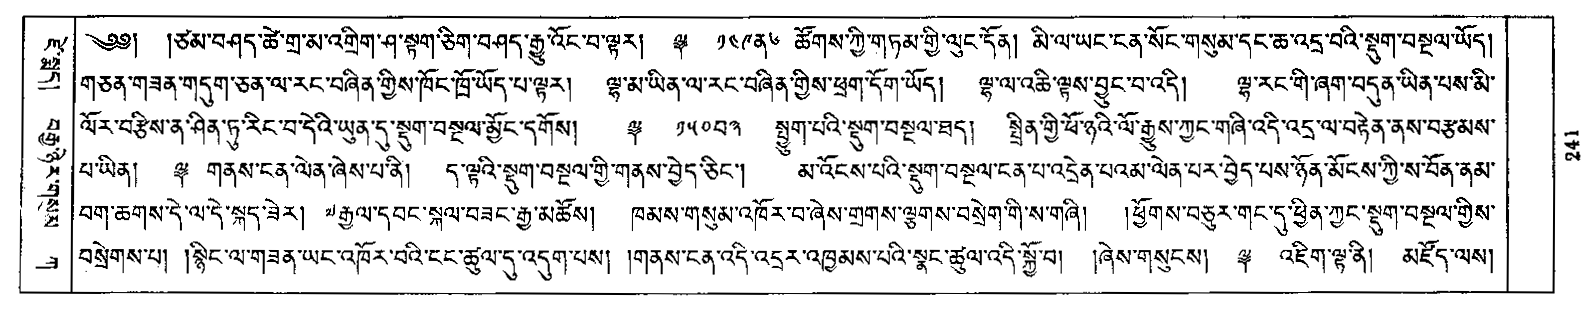༄༅། །ཙམ་བཤད་ཚེ་གྲ་མ་འགྲིག་ཤ་སྟག་ཅིག་བཤད་རྒྱུ་འོང་བ་ལྟར། ༈ ༡༤༩་ན ༦་ཚོགས་ཀྱི་གཏམ་གྱི་ལུང་དོན། མི་ལ་ཡང་ངན་སོང་གསུམ་དང་ཆ་འདྲ་བའི་སྡུག་བསྔལ་ཡོད།
གཅན་གཟན་གདུག་ཅན་ལ་རང་བཞིན་གྱིས་ཁོང་ཁྲོ་ཡོད་པ་ལྟར། ལྷ་མ་ཡིན་ལ་རང་བཞིན་གྱིས་ཕྲག་དོག་ཡོད། ལྷ་ལ་འཆི་ལྟས་བྱུང་བ་འདི། ལྷ་རང་གི་ཞག་བདུན་ཡིན་པས་མི་
ལོར་བརྩིས་ན་ཤིན་ཏུ་རིང་བ་དེའི་ཡུན་དུ་སྡུག་བསྔལ་མྱོང་དགོས། ༈ ༡༥༠་བ ༣་སྤྱུག་པའི་སྡུག་བསྔལ་ཐད། སྤྲིན་གྱི་ཕོ་ཉའི་ལོ་རྒྱུས་ཀྱང་གཞི་འདི་འདྲ་ལ་བརྟེན་ནས་བརྩམས་
པ་ཡིན། ༈ གནས་ངན་ལེན་ཞེས་པ་ནི། ད་ལྟའི་སྡུག་བསྔལ་གྱི་གནས་བྱེད་ཅིང་། མ་འོངས་པའི་སྡུག་བསྔལ་ངན་པ་འདྲེན་པའམ་ལེན་པར་བྱེད་པས་ཉོན་མོངས་ཀྱི་ས་བོན་ནམ་
བག་ཆགས་དེ་ལ་དེ་སྐད་ཟེར། ༧རྒྱལ་དབང་སྐལ་བཟང་རྒྱ་མཚོས། ཁམས་གསུམ་འཁོར་བ་ཞེས་གྲགས་ལྕགས་བསྲེག་གི་ས་གཞི། །ཕྱོགས་བཅུར་གང་དུ་ཕྱིན་ཀྱང་སྡུག་བསྔལ་གྱིས་
བསྲེགས་པ། །སྙིང་ལ་གཟན་ཡང་འཁོར་བའི་ངང་ཚུལ་དུ་འདུག་པས། །གནས་ངན་འདི་འདྲར་འཁྱམས་པའི་སྣང་ཚུལ་འདི་སྐྱོ་བ། །ཞེས་གསུངས། ༈ འཇིག་ལྟ་ནི། མཛོད་ལས།